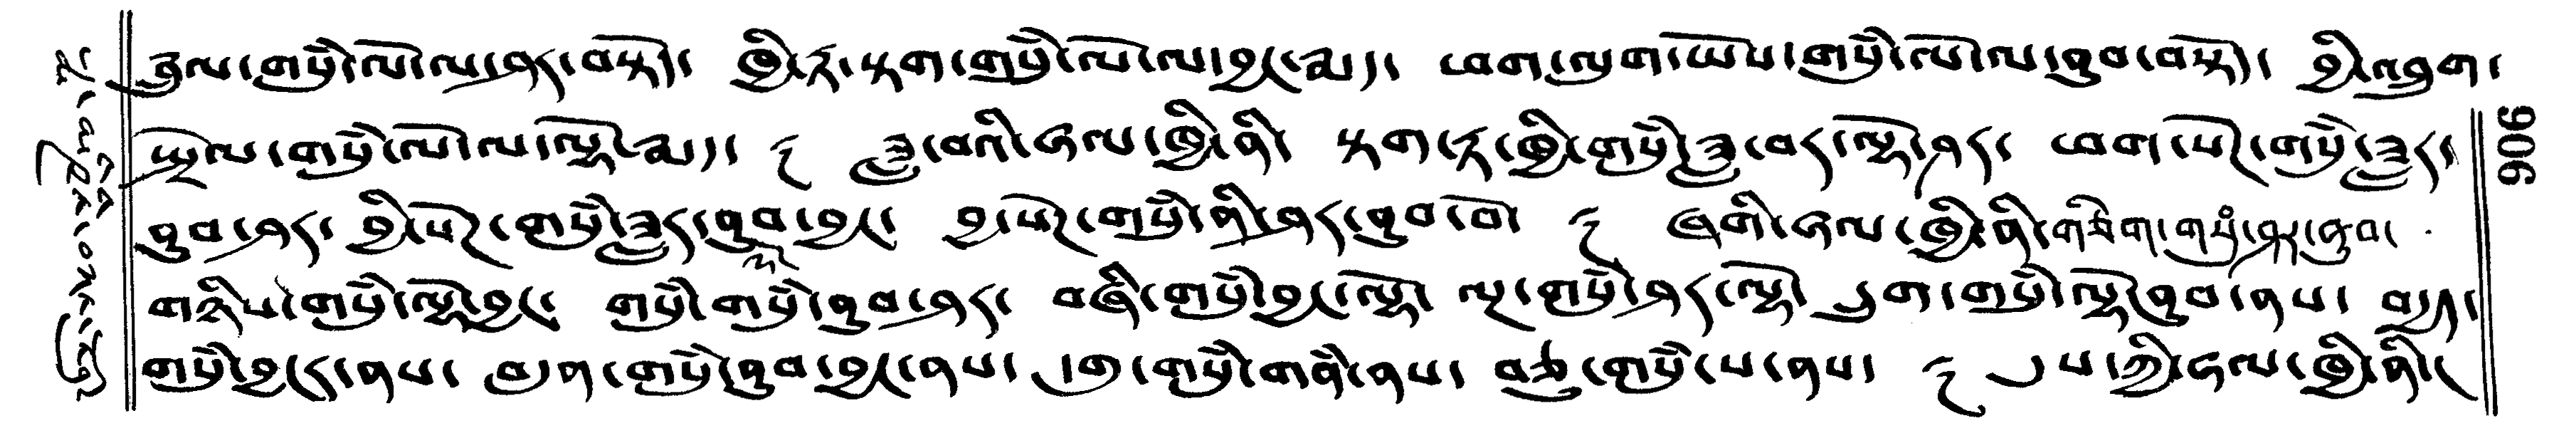སྦྲུལ་གསུམ་ལོ་ལ་ཤར་བསྟོད། ཁྱི་རྟ་སྟག་གསུམ་ལོ་ལ་བྱང་སྨད། ཕག་ལུག་ཡོས་གསུམ་ལོ་ལ་ནུབ་བསྟོད། བྱི་འབྲུག་
སྤྲེལ་གསུམ་ལོ་ལ་ལྷོ་སྨད། ༈ ཟླ་བའི་ཧལ་ཁྱི་ནི། སྟག་རྟ་ཁྱི་གསུམ་ཟླ་བར་ལྷོ་ཤར། ཕག་སོགས་གསུམ་ཟླར་
ནུབ་ཤར། བྱི་སོགས་གསུམ་ཟླར་ནུབ་བྱང་། བྱ་སོགས་གསུམ་ནི་ཤར་ནུབ་བོ། ༈ ཞག་གི་ཧལ་ཁྱི་ནི་གཅིག་གསུམ་ཤར་ནུབ། 
གཉིས་གསུམ་ལྷོ་བྱང་། གསུམ་གསུམ་ནུབ་ཤར། བཞི་གསུམ་བྱང་ལྷོ། ལྔ་གསུམ་ཤར་ལྷོ། དྲུག་གསུམ་ལྷོ་ནུབ་ནས། བརྒྱད་
གསུམ་བྱང་ཤར་ནས། བདུན་གསུམ་ནུབ་བྱང་ནས། དགུ་གསུམ་གནམ་ནས། བཅུ་གསུམ་ས་ནས། ༈ དུས་ཀྱི་ཧལ་ཁྱི་ནི།